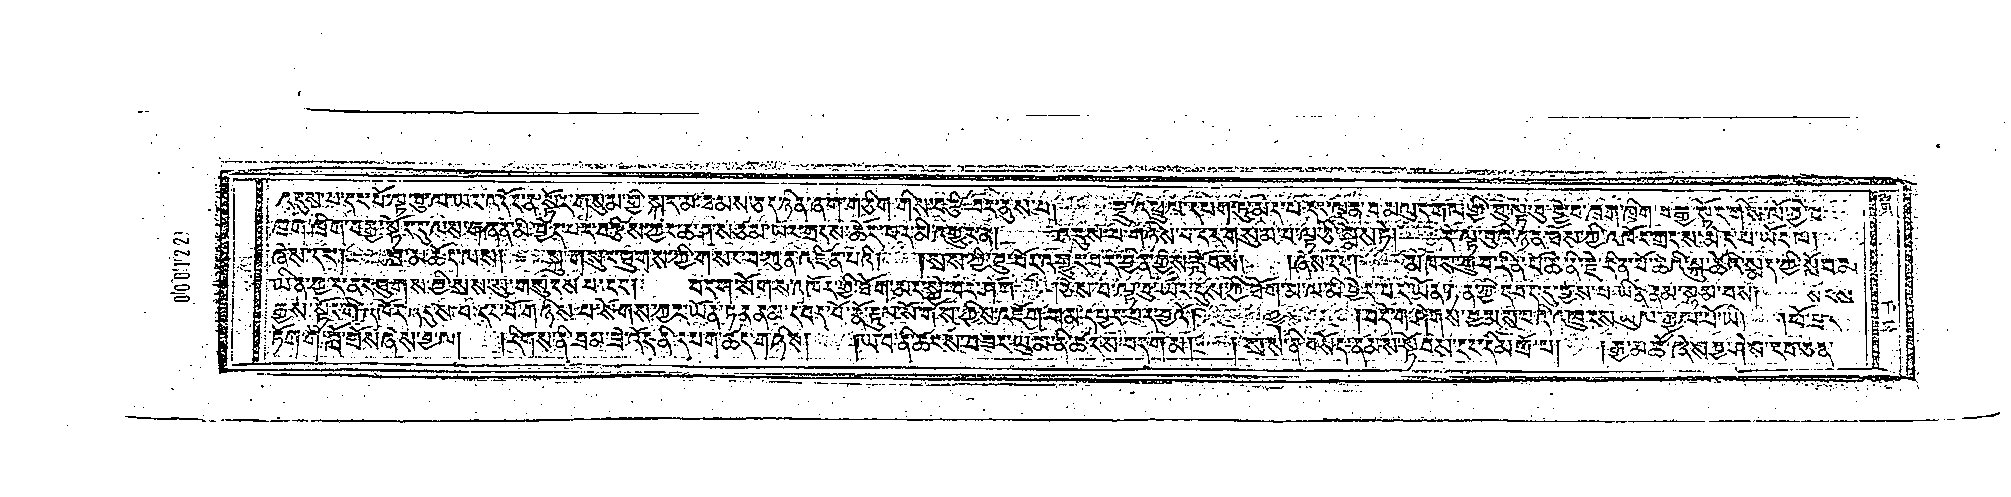འདུས་པ་དང་པོ་ལྟ་བུ་ལ་ཡང་འདོང་ན་སྟོང་གསུམ་གྱི་སྐར་མ་ཐམས་ཅད་ཉིན་ཞག་གཅིག་གིས་བརྩི་བར་ནུས་པ། རྫུ་འཕྲུལ་དཔག་ཏུ་མེད་པ་དང་ལྡན་པ་མཱུ་དགལ་གྱི་བུ་ལྟ་བུ་བྱེ་བ་ཁྲག་ཁྲིག་བརྒྱ་སྟོང་གིས་ལོ་བྱེ་བ་
ཁྲག་ཁྲིག་བརྒྱ་སྟོང་དུ་ལས་གཞན་མི་བྱེད་བར་བརྩིས་ཀྱང་ཆ་ཤས་ཙམ་ཡང་གྲངས་ཆོས་པར་མི་འགྱུར་ན། འདུས་པ་གཉིས་པ་དང་གསུམ་པ་ལྟ་ཅི་སེམས་ཏེ། དེ་ལྟ་བུའི་ཉན་ཐོས་ཀྱི་འཁོར་གྲངས་མེད་པ་ཡོད་ལ།
ཞེས་དང་། བླ་མཆོད་ལས། སྐུ་གསུང་ཐུགས་ཀྱི་གསང་བ་ཀུན་འཛིན་པའི། །སྲས་ཀྱི་ཐུ་བོར་འགྱུར་བར་བྱིན་གྱིས་རློབས། །ཞེས་དང་། མཁས་གྲུབ་རིན་པོ་ཆེ་ནི་རྗེ་རིན་པོ་ཆེའི་སྐུ་ཚེའི་སྨད་ཀྱི་སློབ་མ་
ཡིན་ཀྱང་ནང་ཐུགས་ཀྱི་སྲས་སུ་གསུངས་པ་དང་། བདག་སོགས་འཁོར་གྱི་ཐོག་མར་སྐྱེ་བར་ཤོག །ཅེས་པ་ལྟ་བུ་ཡང་དུས་ཀྱི་ཐོག་མ་ལ་མི་བྱེད་པར་ཡོན་ཏན་གྱི་དབང་དུ་བྱས་པ་ཡིན་ནམ་སྙམ་བས། སངས་
རྒྱས་སྟོང་གི་འཁོར་འདུས་པ་དང་པོ་གཉིས་པ་སོགས་ཀྱང་ཡོན་ཏན་ནམ་དབང་པོ་རྣོ་རྟུལ་སོགས་ཀྱིས་འཇོག་གམ་དཔྱད་པར་བྱའོ། ༈ །བདེ་གཤེགས་བྱམས་པའི་འཁྲུངས་ཡུལ་རྒྱལ་པོ་ཡི། །ཕོ་བྲང་
ཏོག་གི་བློ་གྲོས་ཞེས་བྱ་ལ། །རིགས་ནི་བྲམ་ཟེ་འོད་ནི་དཔག་ཚད་གཉིས། །ཡབ་ནི་ཚངས་བཟང་ཡུམ་ནི་ཚངས་བདག་མ། །སྲས་ནི་བསོད་ནམས་སྟོབས་དང་དིམ་གྲོ་པ། །རྒྱ་མཚོ་ཞེས་བྱ་ཤེས་རབ་ཅན་